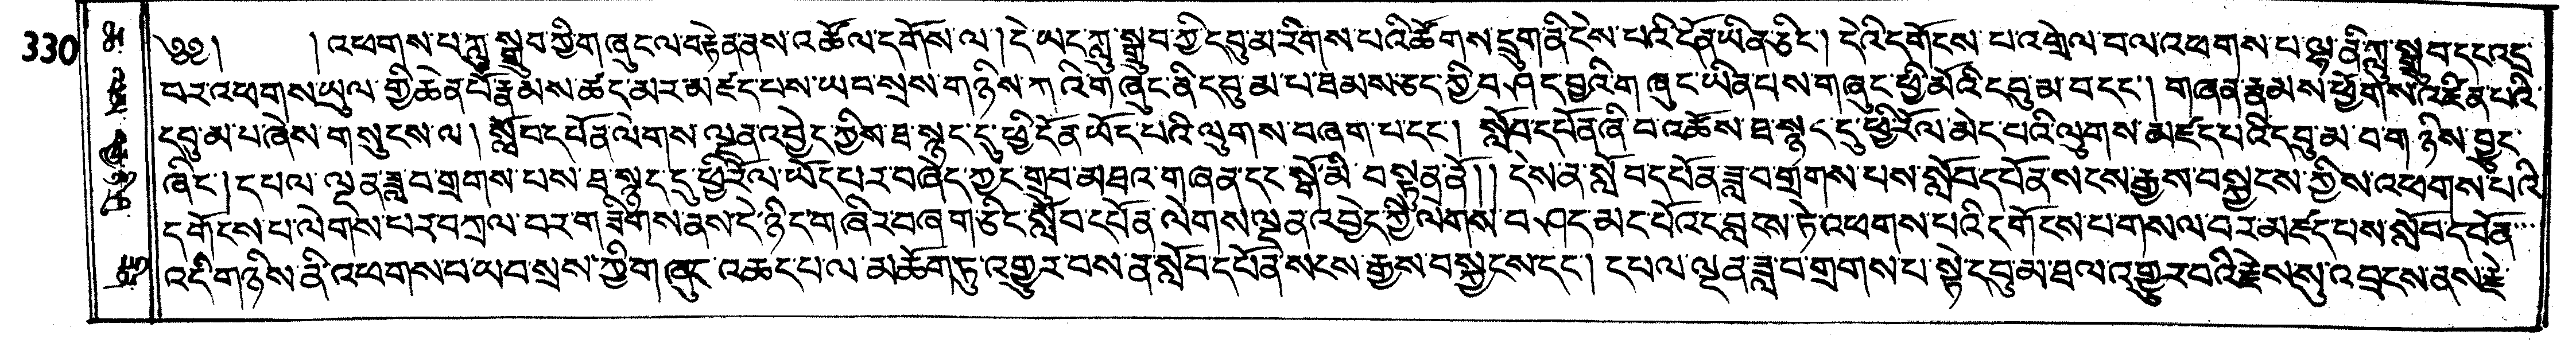༄༅། །འཕགས་པ་ཀླུ་སྒྲུབ་ཀྱི་གཞུང་ལ་བརྟེན་ནས་འཚོལ་དགོས་ལ། དེ་ཡང་ཀླུ་སྒྲུབ་ཀྱི་དབུ་མ་རིགས་པའི་ཚོགས་དྲུག་ནི་ངེས་པའི་དོན་ཡིན་ཅིང་། དེའི་དགོངས་པ་འགྲེལ་བ་ལ་འཕགས་པ་ལྷ་ནི་ཀླུ་སྒྲུབ་དང་འདྲ་
བར་འཕགས་ཡུལ་གྱི་ཆེན་པོ་རྣམས་ཚད་མར་མཛད་པས་ཡབ་སྲས་གཉིས་ཀའི་གཞུང་ནི་དབུ་མ་པ་ཐམས་ཅད་ཀྱི་བཤད་བྱའི་གཞུང་ཡིན་པས་གཞུང་ཕྱི་མོའི་དབུ་མ་བ་དང་། གཞན་རྣམས་ཕྱོགས་འཛིན་པའི་
དབུ་མ་པ་ཞེས་གསུངས་ལ། སློབ་དཔོན་ལེགས་ལྡན་འབྱེད་ཀྱིས་ཐ་སྙད་དུ་ཕྱི་དོན་ཡོད་པའི་ལུགས་བཞག་པ་དང་། སློབ་དཔོན་ཞི་བ་འཚོས་ཐ་སྙད་དུ་ཕྱི་རོལ་མེད་པའི་ལུགས་མཛད་པའི་དབུ་མ་བ་གཉིས་བྱུང་
ཞིང་། དཔལ་ལྡན་ཟླ་བ་གྲགས་པས་ཐ་སྙད་དུ་ཕྱི་རོལ་ཡོད་པར་བཞེད་ཀྱང་གྲུབ་མཐའ་གཞན་དང་སྒོ་མི་བསྟུན་ནོ། །དེས་ན་སློབ་དཔོན་ཟླ་བ་གྲགས་པས་སློབ་དཔོན་སངས་རྒྱས་བསྐྱངས་ཀྱིས་འཕགས་པའི་
དགོངས་པ་ལེགས་པར་བཀྲལ་བར་གཟིགས་ནས་དེ་ཉིད་གཞིར་བཞག་ཅིང་སློབ་དཔོན་ལེགས་ལྡན་འབྱེད་ཀྱི་ལེགས་བཤད་མང་པོའང་བླངས་ཏེ་འཕགས་པའི་དགོངས་པ་གསལ་བར་མཛད་པས་སློབ་དཔོན་
འདི་གཉིས་ནི་འཕགས་པ་ཡབ་སྲས་ཀྱི་གཞུང་འཆད་པ་ལ་མཆོག་ཏུ་འགྱུར་བས་ན་སློབ་དཔོན་སངས་རྒྱས་བསྐྱངས་དང་། དཔལ་ལྡན་ཟླ་བ་གྲགས་པ་སྟེ་དབུ་མ་ཐལ་འགྱུར་བའི་རྗེས་སུ་འབྲངས་ནས་རྗེ་